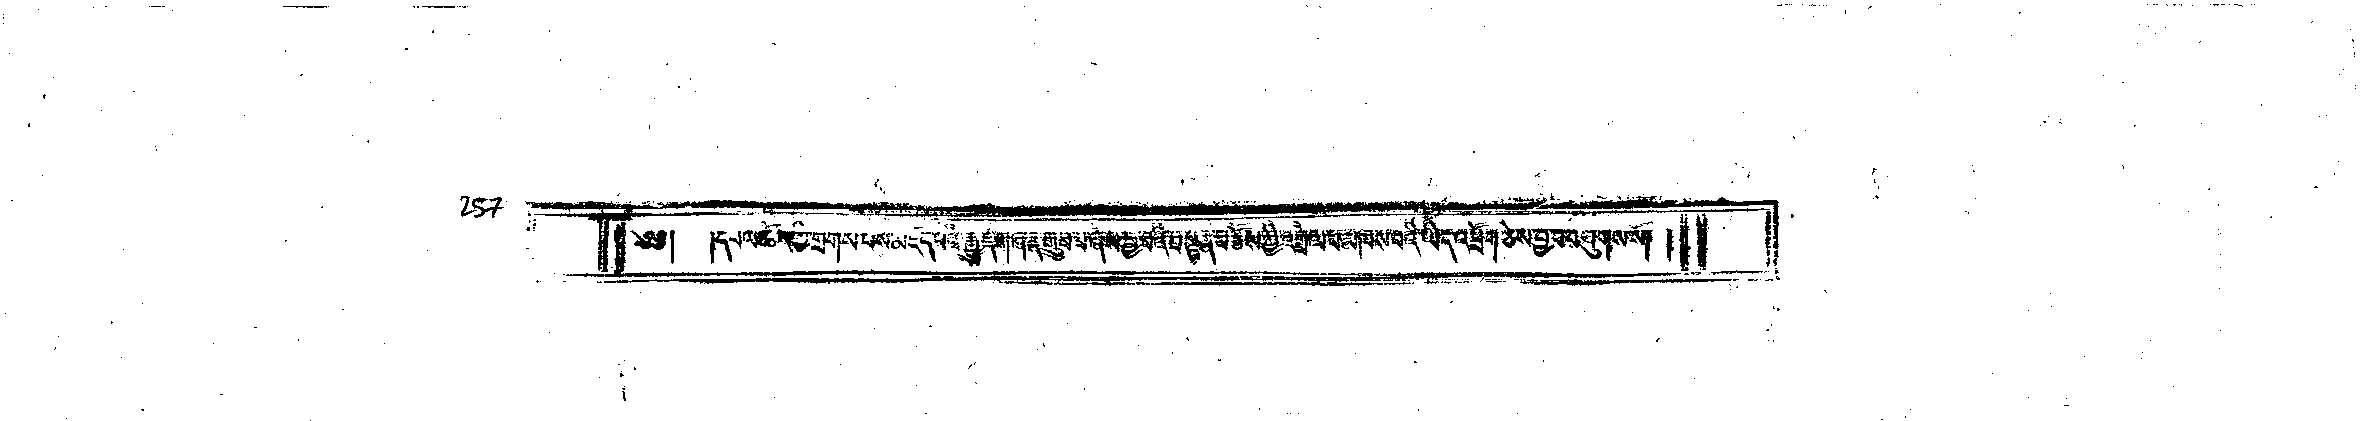༄༅། །དཔལ་ཆོས་ཀྱི་གྲགས་པས་མཛད་པའི་རྒྱུད་གཞན་གྲུབ་པ་ཞེས་བྱ་བའི་བསྟན་བཅོས་ཀྱི་འགྲེལ་པ་མཁས་བའི་ཡིད་འཕྲོག་ཅེས་བྱ་བ་བཞུགས་སོ། །